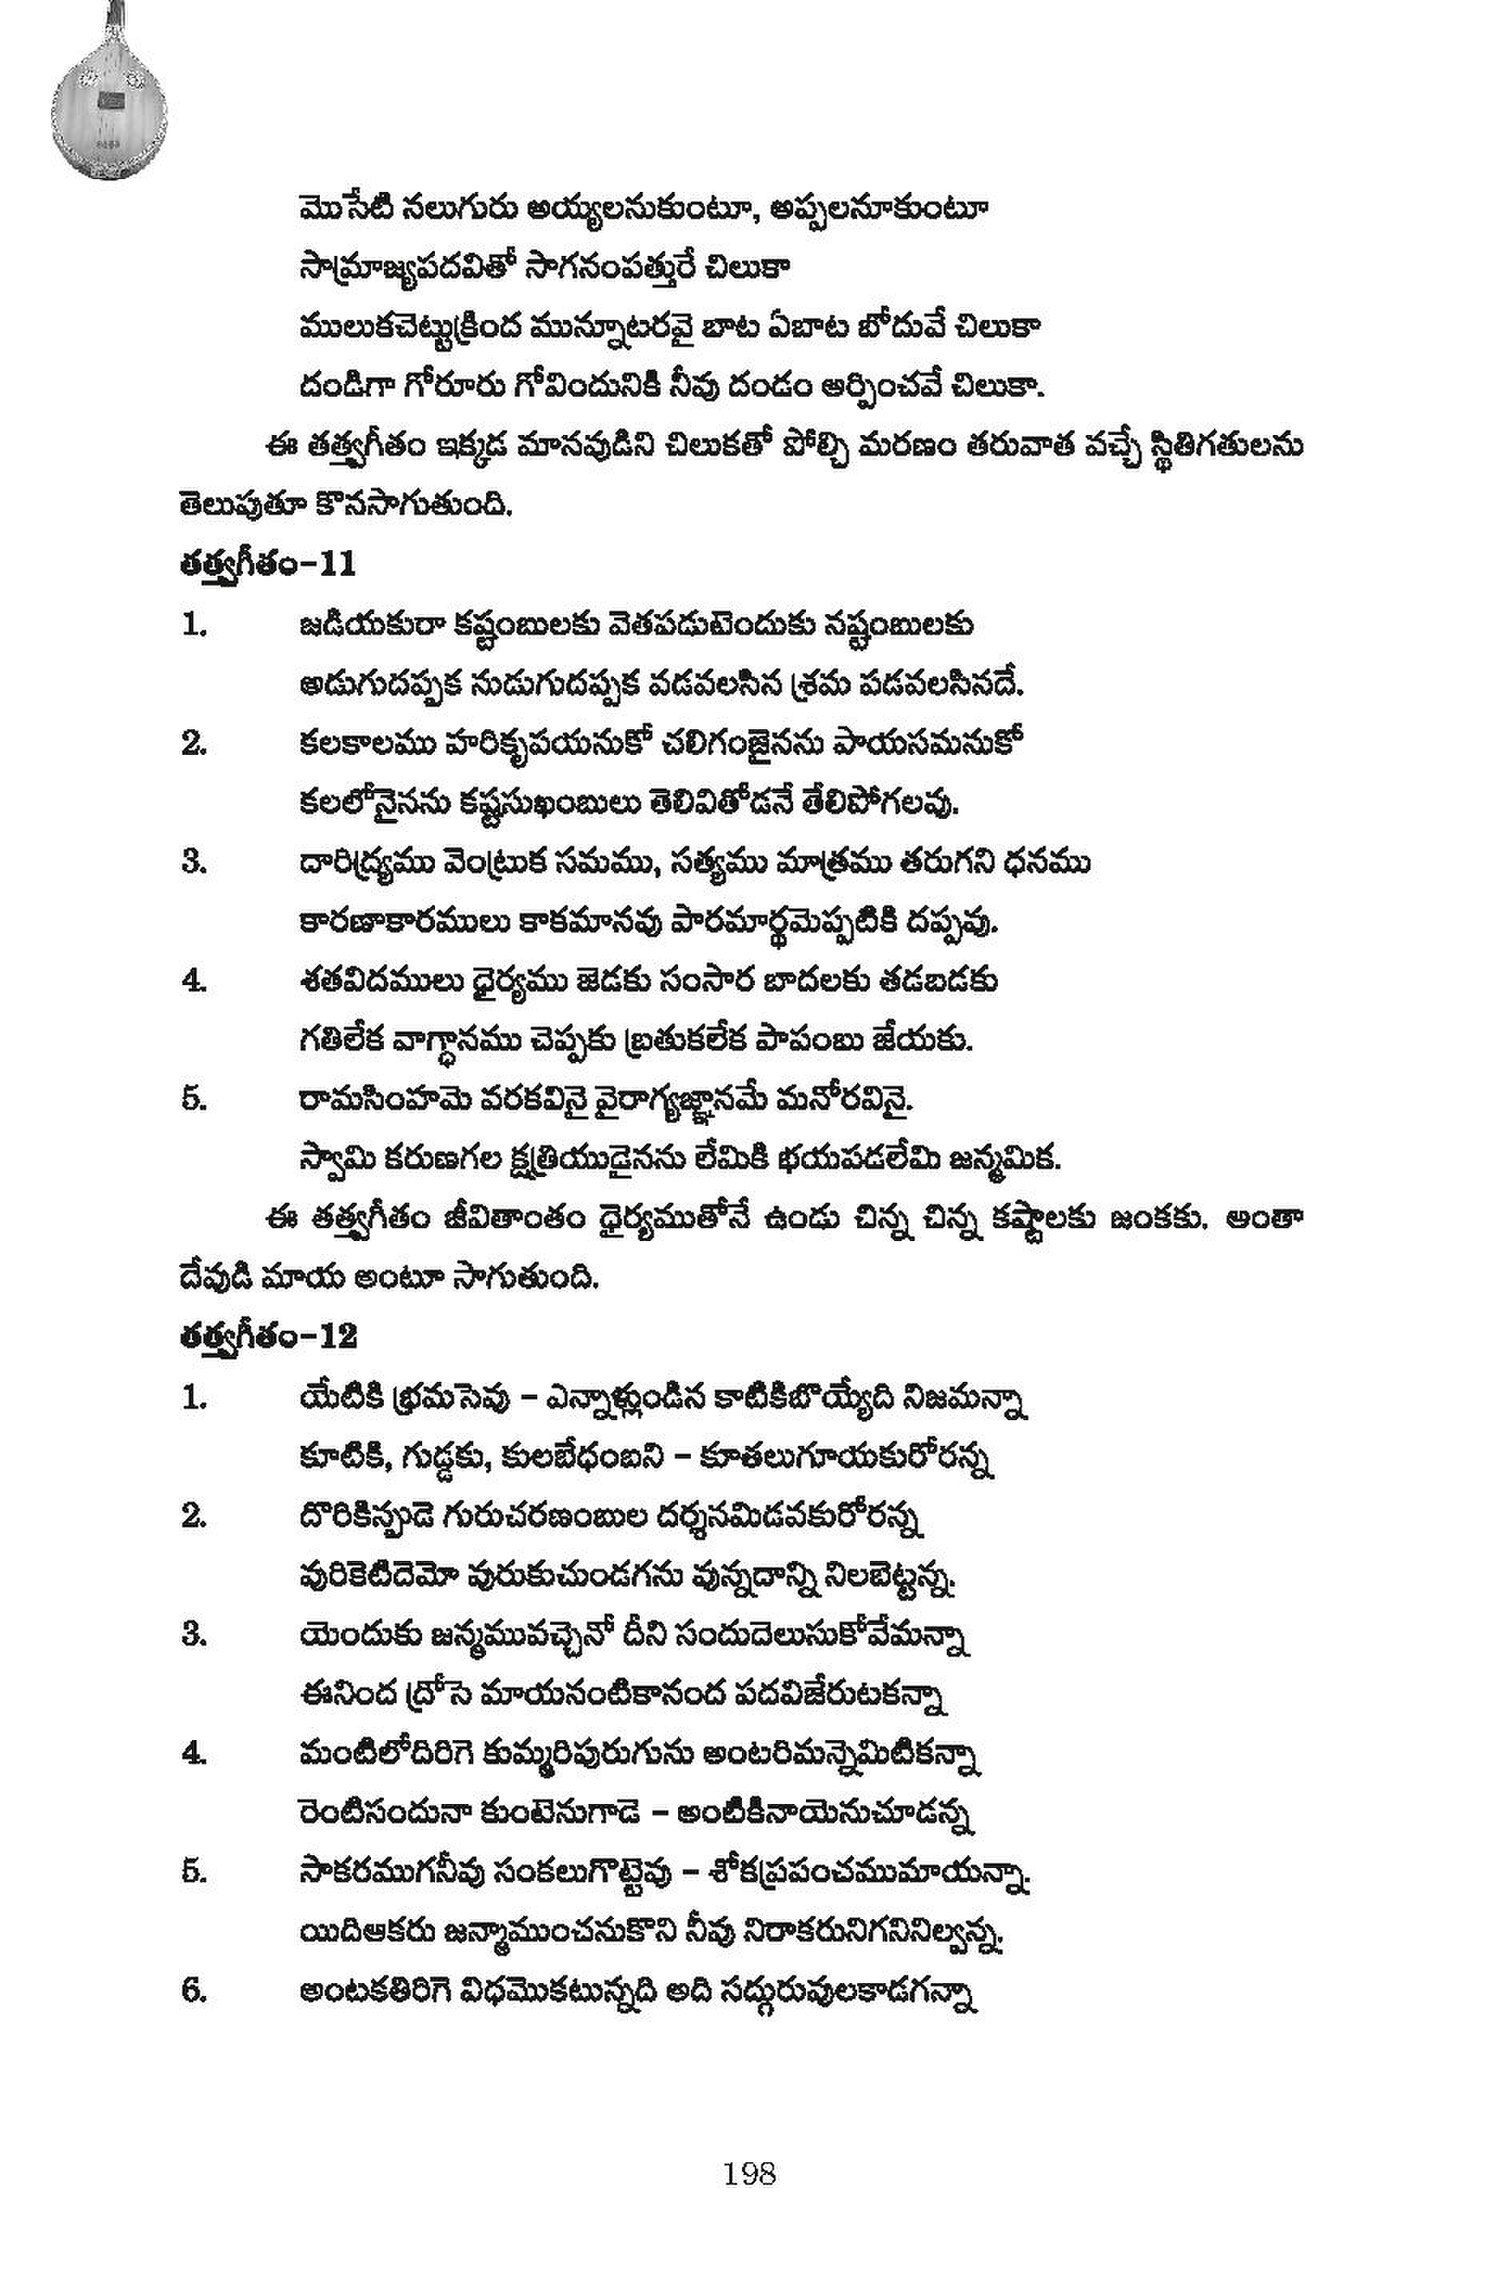మొసేటి నలుగురు అయ్యలనుకుంటూ, అప్పలనూకుంటూ
సామ్రాజ్యపదవితో సాగనంపత్తురే చిలుకా
ములుకచెట్టుక్రింద మున్నూటరవై బాట ఏబాట బోదువే చిలుకా
దండిగా గోరూరు గోవిందునికి నీవు దండం అర్పించవే చిలుకా.

ఈ తత్త్వగీతం ఇక్కడ మానవుడిని చిలుకతో పోల్చి మరణం తరువాత వచ్చే స్థితిగతులను తెలుపుతూ కొనసాగుతుంది.

తత్త్వగీతం-11

1. జడియకురా కష్టంబులకు వెతపడుటెందుకు నష్టంబులకు
అడుగుదప్పక నుడుగుదప్పక వడవలసిన శ్రమ పడవలసినదే.

2. కలకాలము హరికృపయనుకో చలిగంజైనను పాయసమనుకో
కలలోనైనను కష్టసుఖంబులు తెలివితోడనే తేలిపోగలవు.

3. దారిద్య్రము వెంట్రుక సమము, సత్యము మాత్రము తరుగని ధనము
కారణాకారములు కాకమానవు పారమార్థమెప్పటికి దప్పవు.

4. శతవిదములు ధైర్యము జెడకు సంసార బాధలకు తడబడకు
గతిలేక వాగ్ధానము చెప్పకు బ్రతుకలేక పాపంబు జేయకు.

5. రామసింహమె వరకవినై వైరాగ్యజ్ఞానమే మనోరవినై.
స్వామి కరుణగల క్షత్రియుడైనను లేమికి భయపడలేమి జన్మమిక.

ఈ తత్త్వగీతం జీవితాంతం ధైర్యముతోనే ఉండు చిన్న చిన్న కష్టాలకు జంకకు. అంతా దేవుడి మాయ అంటూ సాగుతుంది.

తత్త్వగీతం-12

1. యేటికి భ్రమసెవు - ఎన్నాళ్లుండిన కాటికిబొయ్యేది నిజమన్నా
కూటికి, గుడ్డకు, కులబేధంబని - కూతలుగూయకురోరన్న

2. దొరికిన్పుడె గురుచరణంబుల దర్శనమిడవకురోరన్న
వురికెటిదెమో వురుకుచుండగను వున్నదాన్ని నిలబెట్టన్న.

3. యెందుకు జన్మమువచ్చెనో దీని సందుదెలుసుకోవేమన్నా
ఈనింద ద్రోసె మాయనంటికానంద పదవిజేరుటకన్నా

4. మంటిలోదిరిగె కుమ్మరిపురుగును అంటరిమన్నెమిటికన్నా
రెంటిసందునా కుంటెనుగాడె - అంటికినాయెనుచూడన్న

5. సాకరముగనీవు సంకలుగొట్టెవు - శోకప్రపంచముమాయన్నా.
యిదిఆకరు జన్మాముంచనుకొని నీవు నిరాకరునిగనినిల్వన్న.

6. అంటకతిరిగె విధమొకటున్నది అది సద్గురువులకాడగన్నా